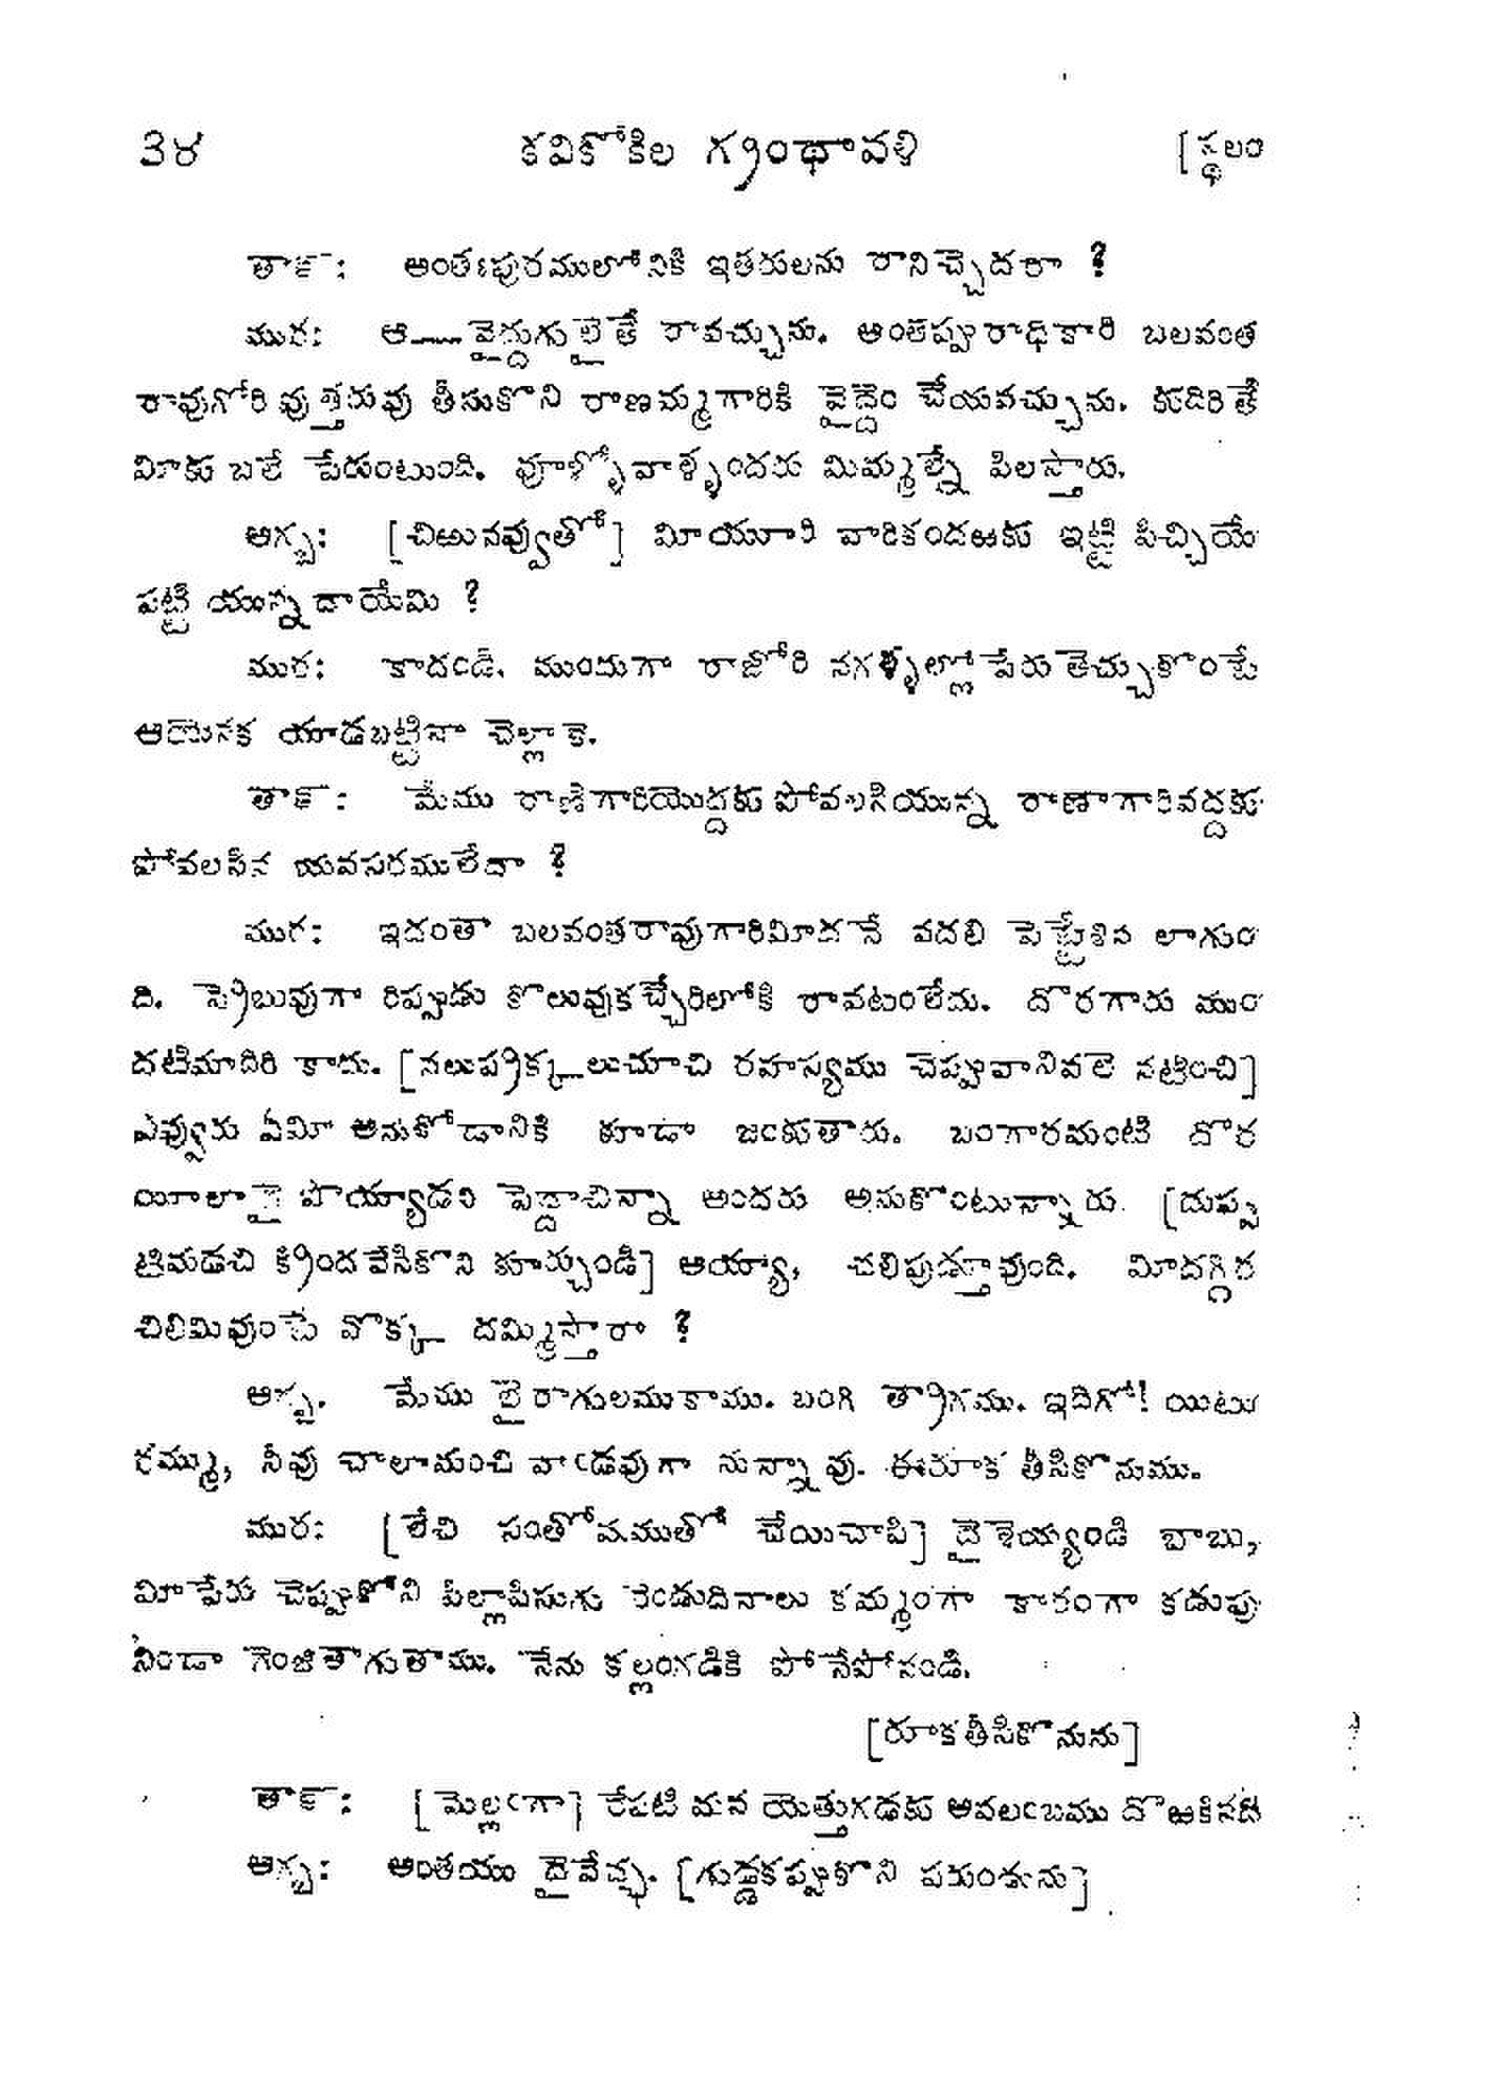తాన్ : అంత:పురములోనికి ఇతరులను రానిచ్చెదరా ?

ముర : ఆ - వైద్దుగులైతే రావచ్చును. అంతప్పురాధికారి బలవంతరావుగోరి వుత్తరువు తీసుకొని రాణమ్మగారికి వైద్దెం చేయవచ్చును. కుదిరితే మీకు బలే పేరుంటుంది. వూళ్ళోవాళ్ళందరు మిమ్మల్నే పిలస్తారు.

అగ్బ : [చిఱునవ్వుతో] మీయూరి వారికందఱకు ఇట్టి పిచ్చియే పట్టి యున్నదాయేమి ?

ముర : కాదండి. ముందుగా రాజోరి నగళ్ళల్లోపేరుతెచ్చుకుంటే ఆయెనక యాడబట్టినా చెల్లాకె.

తాన్ : మేము రాణిగారియొద్దకు పోవలసియున్న రాణాగారివద్దకు పోవలసిన యవసరములేదా ?

ముర : ఇదంతా బలవంతరావుగారిమీదనే వదలి పెట్టేశిన లాగుంది. ప్రెబువుగా రిప్పుడు కొలువుకచ్చేరిలోకి రావటంలేదు. దొరగారు ముందటిమాదిరి కాదు. [నలుప్రక్కలుచూచి రహస్యము చెప్పువానివలె నటించి] ఎవ్వురు ఏమీ అనుకోడానికి కూడా జంకుతారు. బంగారమంటి దొర యీలాగై పొయ్యాడని పెద్దచిన్నా అందరు అనుకొంటున్నారు [దుప్పటిమడచి క్రిందవేసికొని కూర్చుండి] అయ్యా చలిపుడ్తూవుంది. మీదగ్గిర చిలిమివుంటే వొక్క దమ్మిస్తారా ?

అగ్బ : మేము బైరాగులముకాము. బంగి త్రాగము. ఇదిగో! యిటురమ్మ, నీవు చాలామంచి వాఁడవుగా నున్నావు. ఈరూక తీసికొనుము.

ముర : [లేచి సంతోషముతో చేయిచాపి] దైశెయ్యండి బాబు, మీపేరు చెప్పుకోని పిల్లాపిసుగు రెండుదినాలు కమ్మంగా కారంగా కడుపు నిండా గెంజితాగుతాము. నేను కల్లంగడికి పోనేపోనండి. [రూకతీసికొనును.]

తాన్ : [మెల్లఁగా] రేపటి మన యెత్తుగడకు అవలంబము దొఱకినది.

అగ్బ : అంతయు దైవేచ్ఛ. [గుడ్డకప్పుకొని పరుండును]